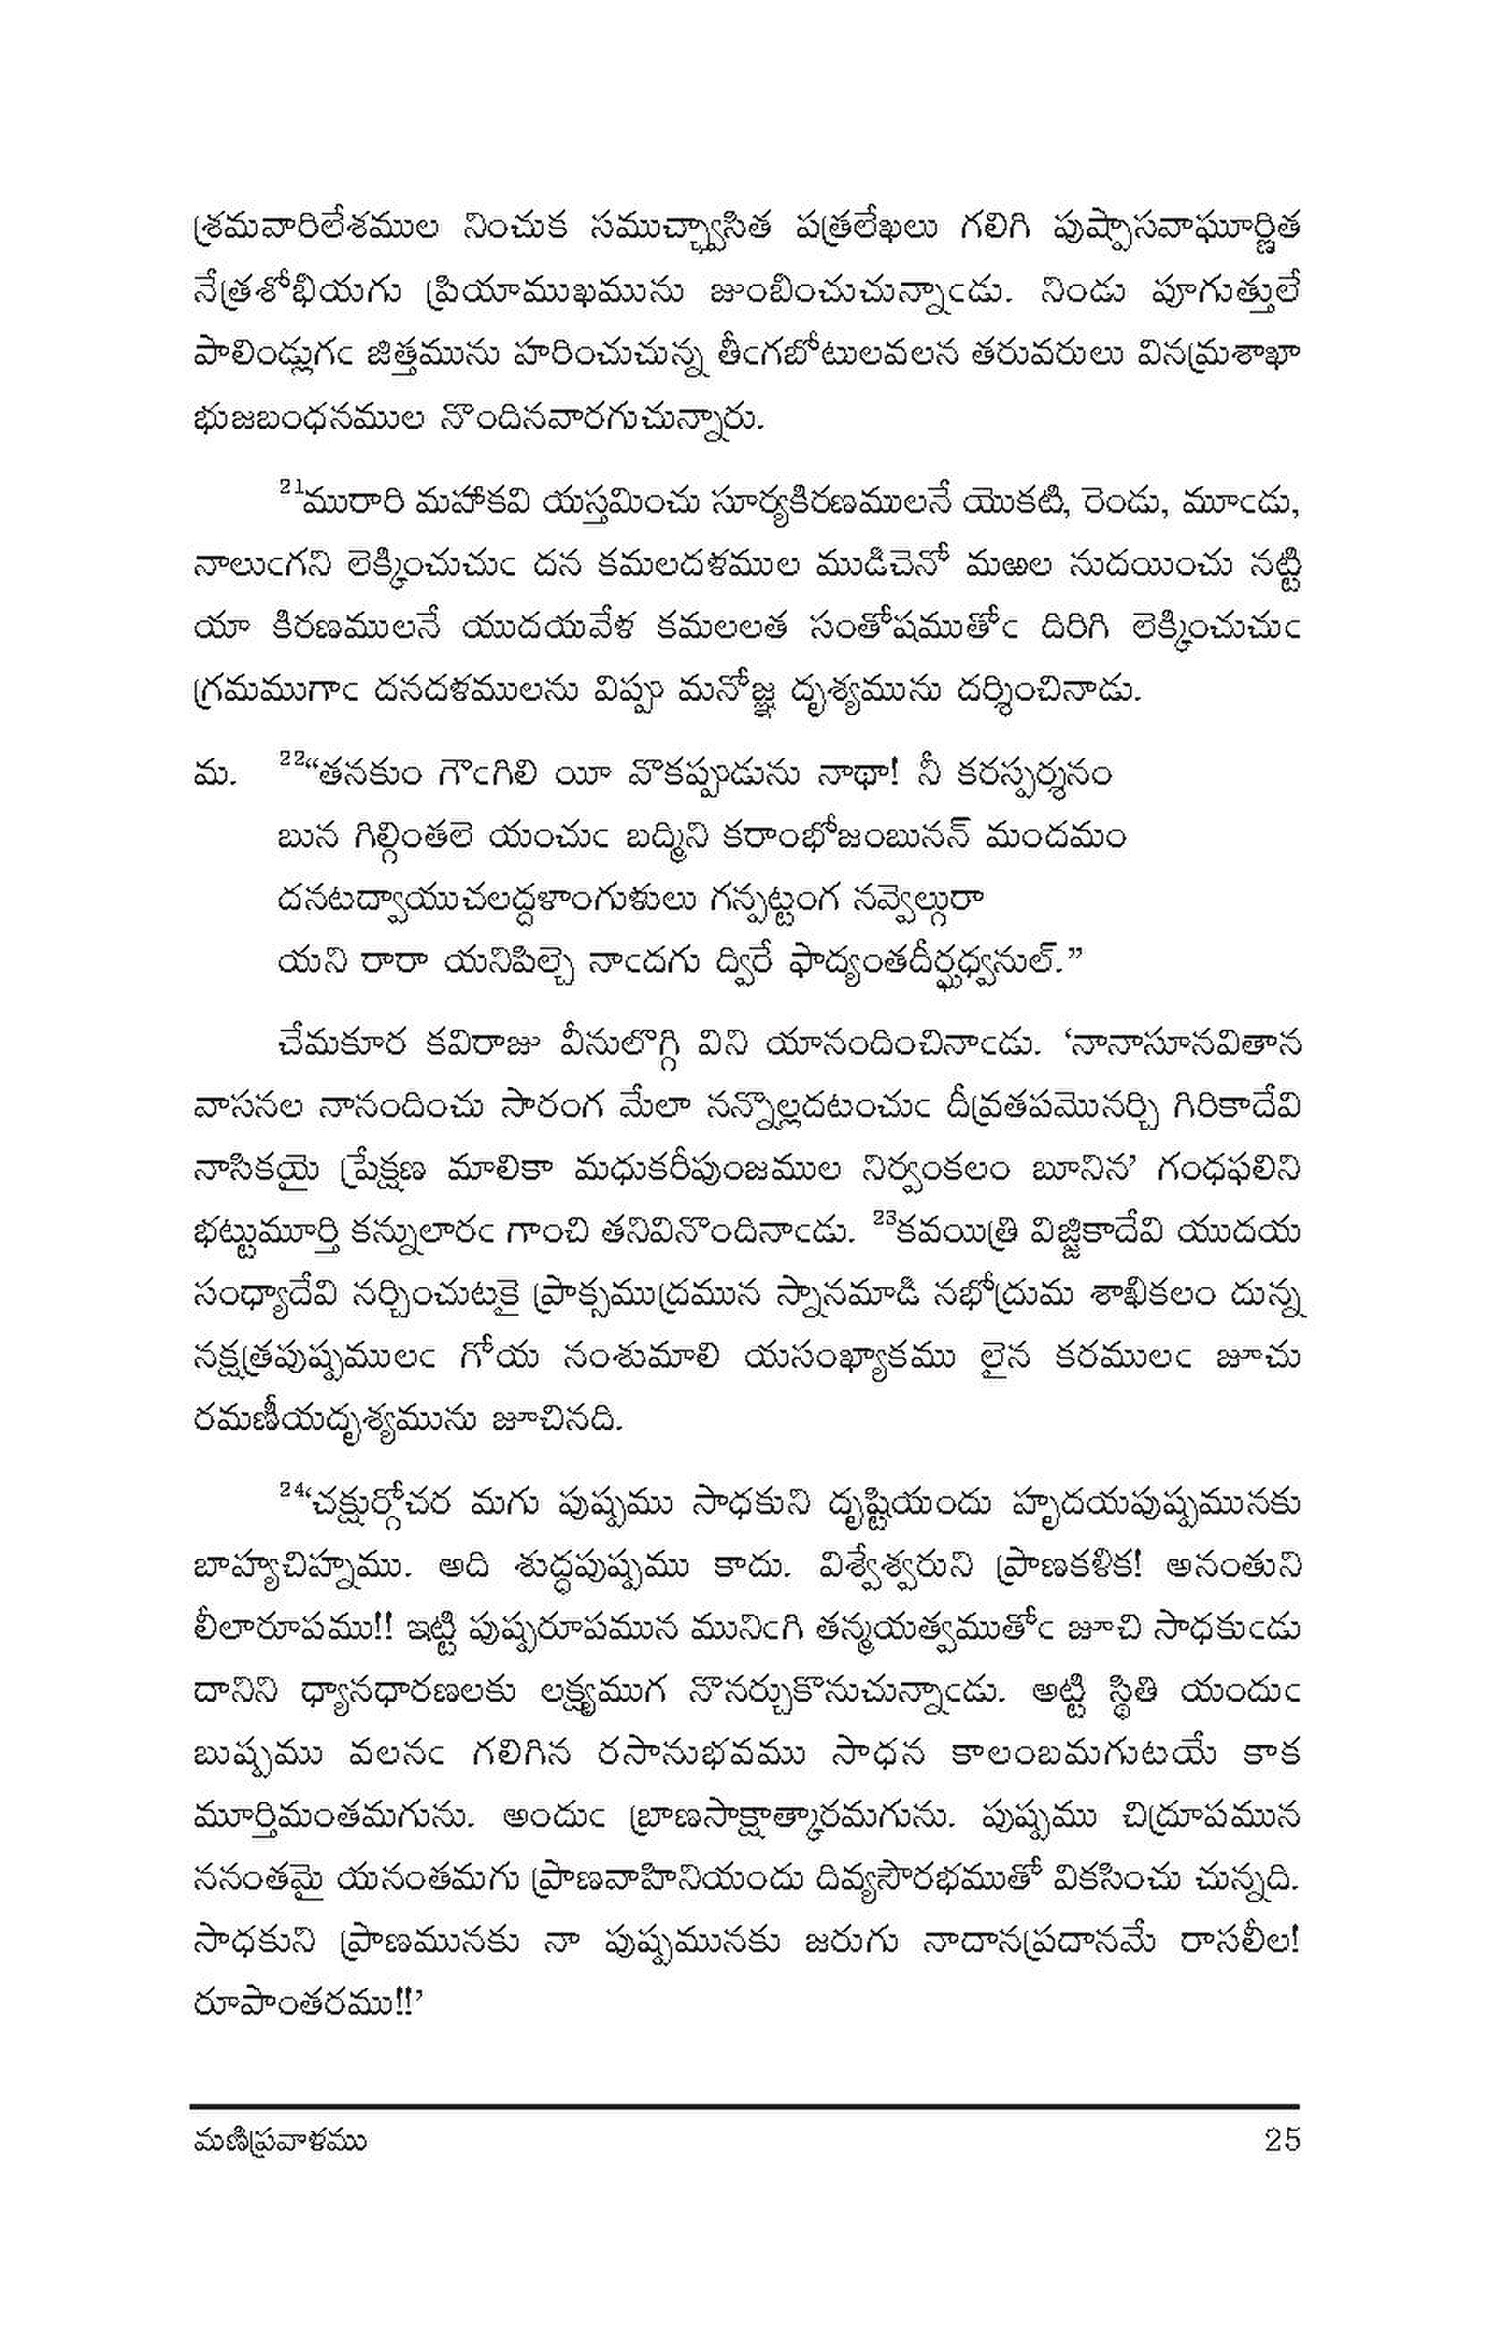శ్రమవారిలేశముల నించుక సముచ్ఛ్వాసిత పత్రలేఖలు గలిగి పుష్పాసవాఘూర్ణిత నేత్రశోభియగు ప్రియాముఖమును జుంబించుచున్నాఁడు. నిండు పూగుత్తులే పాలిండ్లుగఁ జిత్తమును హరించుచున్న తీఁగబోటులవలన తరువరులు వినమ్రశాఖా
భుజబంధనముల నొందినవారగుచున్నారు.

"మురారి మహాకవి యస్తమించు సూర్యకిరణములనే యొకటి, రెండు, మూఁడు, నాలుఁగని లెక్కించుచుఁ దన కమలదళముల ముడిచెనో మఱల నుదయించు నట్టి
యా కిరణములనే యుదయవేళ కమలలత సంతోషముతోఁ దిరిగి లెక్కించుచుఁ గ్రమముగాఁ దనదళములను విప్పు మనోజ్ఞ దృశ్యమును దర్శించినాడు.

మ. "తనకుం గౌఁగిలి యీ వొకప్పుడును నాథా! నీ కరస్పర్శనం
 బున గిల్గింతలె యంచుఁ బద్మిని కరాంభోజంబునన్ మందమం
 దనటద్వాయుచలద్దళాంగుళులు గన్పట్టంగ నవ్వెల్గురా
 యని రారా యనిపిల్చె నాఁదగు ద్విరే పాద్యంతదీర్ఘధ్వనుల్.”

చేమకూర కవిరాజు వీనులొగ్గి విని యానందించినాఁడు. 'నానాసూనవితాన వాసనల నానందించు సారంగ మేలా నన్నొల్లదటంచుఁ దీవ్రతపమొనర్చి గిరికాదేవి నాసికయై ప్రేక్షణ మాలికా మధుకరీపుంజముల నిర్వంకలం బూనిన' గంధఫలిని భట్టుమూర్తి కన్నులారఁ గాంచి తనివినొందినాఁడు. కవయిత్రి విజ్జికాదేవి యుదయ సంధ్యాదేవి నర్చించుటకై ప్రాక్సముద్రమున స్నానమాడి నభోద్రుమ శాఖికలం దున్న నక్షత్రపుష్పములఁ గోయ నంశుమాలి యసంఖ్యాకము లైన కరములఁ జూచు
రమణీయదృశ్యమును జూచినది.

చక్షుర్గోచర మగు పుష్పము సాధకుని దృష్టియందు హృదయపుష్పమునకు
బాహ్యచిహ్నము. అది శుద్ధపుష్పము కాదు. విశ్వేశ్వరుని ప్రాణకళిక! అనంతుని లీలారూపము!! ఇట్టి పుష్పరూపమున మునిఁగి తన్మయత్వముతోఁ జూచి సాధకుఁడు దానిని ధ్యానధారణలకు లక్ష్యముగ నొనర్చుకొనుచున్నాఁడు. అట్టి స్థితి యందుఁ
బుష్పము వలనఁ గలిగిన రసానుభవము సాధన కాలంబమగుటయే కాక మూర్తిమంతమగును. అందుఁ బ్రాణసాక్షాత్కారమగును. పుష్పము చిద్రూపమున ననంతమై యనంతమగు ప్రాణవాహినియందు దివ్యసౌరభముతో వికసించు చున్నది.
సాధకుని ప్రాణమునకు నా పుష్పమునకు జరుగు నాదానప్రదానమే రాసలీల! రూపాంతరము!!'